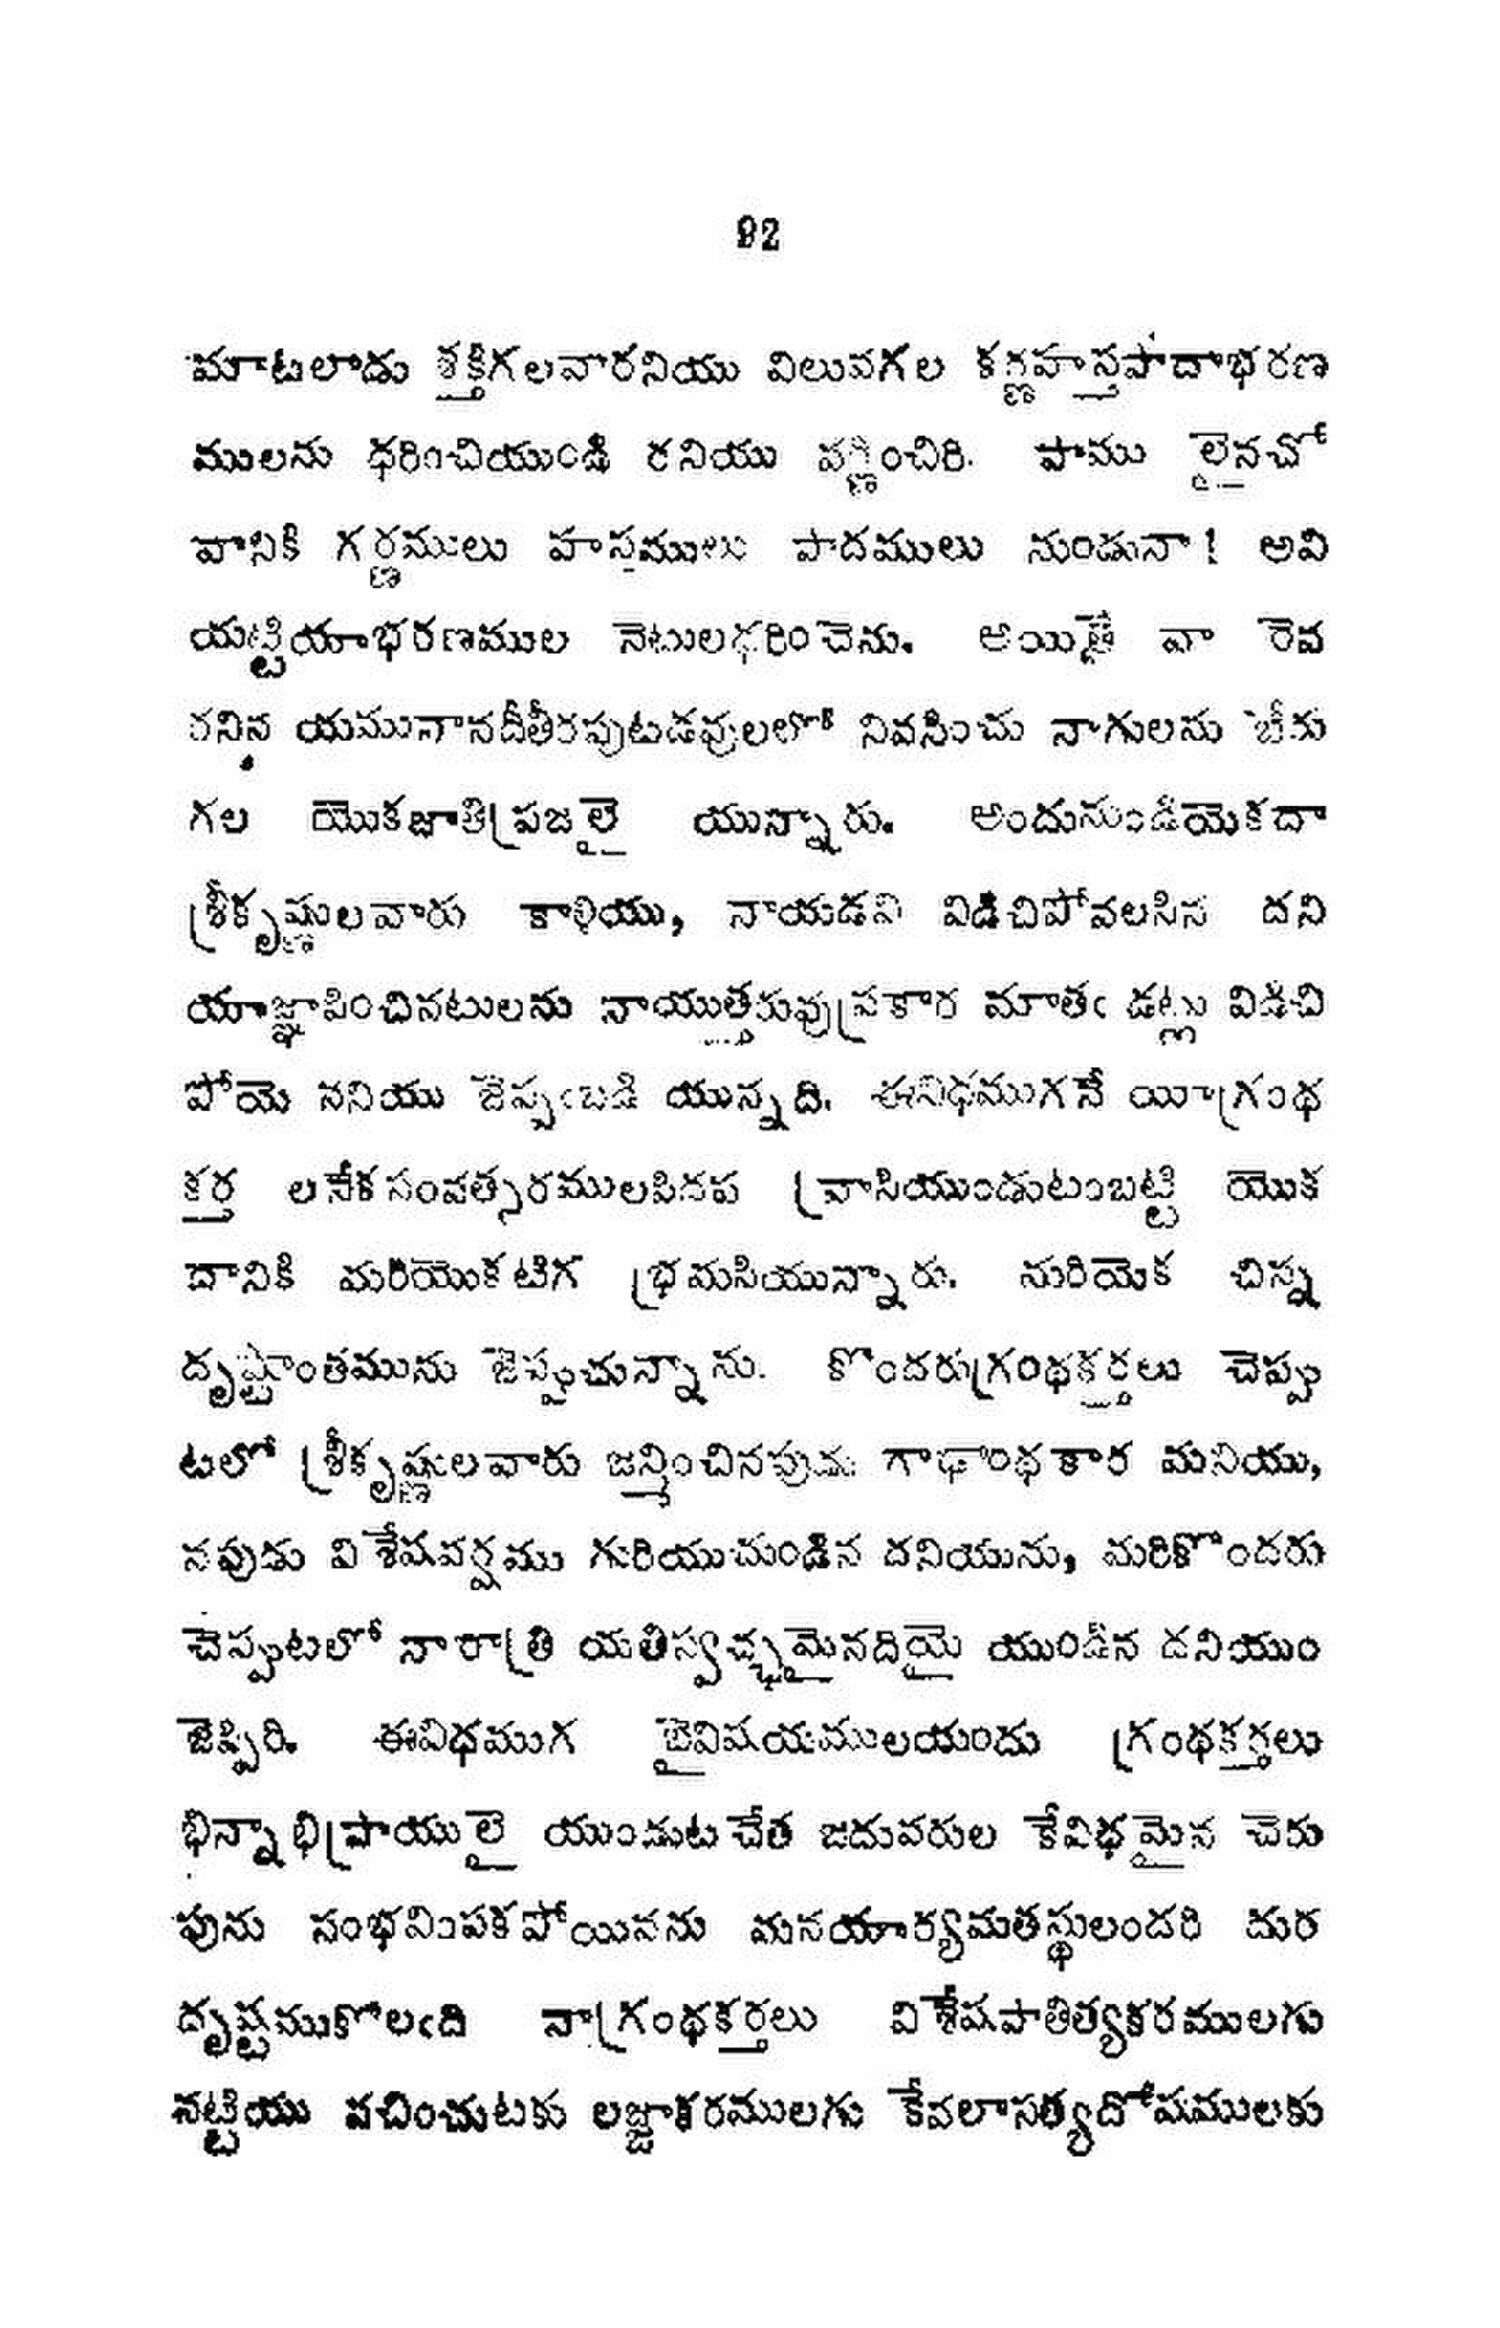మాటలాడు శక్తిగలవారనియు విలువగల కర్ణహస్తపాదాభరణములను ధరించియుండి రనియు వర్ణించిరి. పాము లైనచో వానికి గర్ణములు హస్తములు పాదములు నుండునా ! అవి
యట్టియాభరణముల నెటులధరించెను. ఆయితే నా రెవరనిన యమునానదీతీరపుటడవులలో నివసించు నాగులను బేరు గల యొకజాతిప్రజలై యున్నారు. అందునుండియెకదా శ్రీకృష్ణులవారు కాళియు, నాయడవి విడిచిపోవలసిన దని యాజ్ఞాపించినటులను నాయుత్తరువుప్రకార మాతఁ డట్లు విడిచిపోయె ననియు జెప్పఁబడి యున్నది. ఈవిధముగనే యీగ్రంథ కర్త లనేక సంవత్సరములపిదప వ్రాసియుండుటంబట్టి యొకదానికి మరియొకటిగ భ్రమసియున్నారు. మరియెక చిన్న దృష్టాంతమును జెప్పుచున్నాను. కొందరుగ్రంథకర్తలు చెప్పుటలో శ్రీకృష్ణులవారు జన్మించినప్పుడు గాఢాంధకార మనియు, నపుడు విశేషవర్షము గురియుచుండిన దనియును, మరికొందరు చెప్పుటలో నారాత్రి యతిస్వచ్ఛమైనదియై యుండిన దనియుం జెప్పిరి. ఈవిధముగ బైవిషయములయందు గ్రంథకర్తలు
భిన్నాభిప్రాయులై యుండుట చేత జదువరుల కేవిధమైన చెరుపును సంభవింపకపోయినను మనయార్యమతస్థులందరి దురదృష్టముకొలఁది. నాగ్రంథకర్తలు విశేషపాతిత్యకరములగు నట్టియు వచించుటకు లజ్జాకరములగు కేవలాసత్యదోషములకు